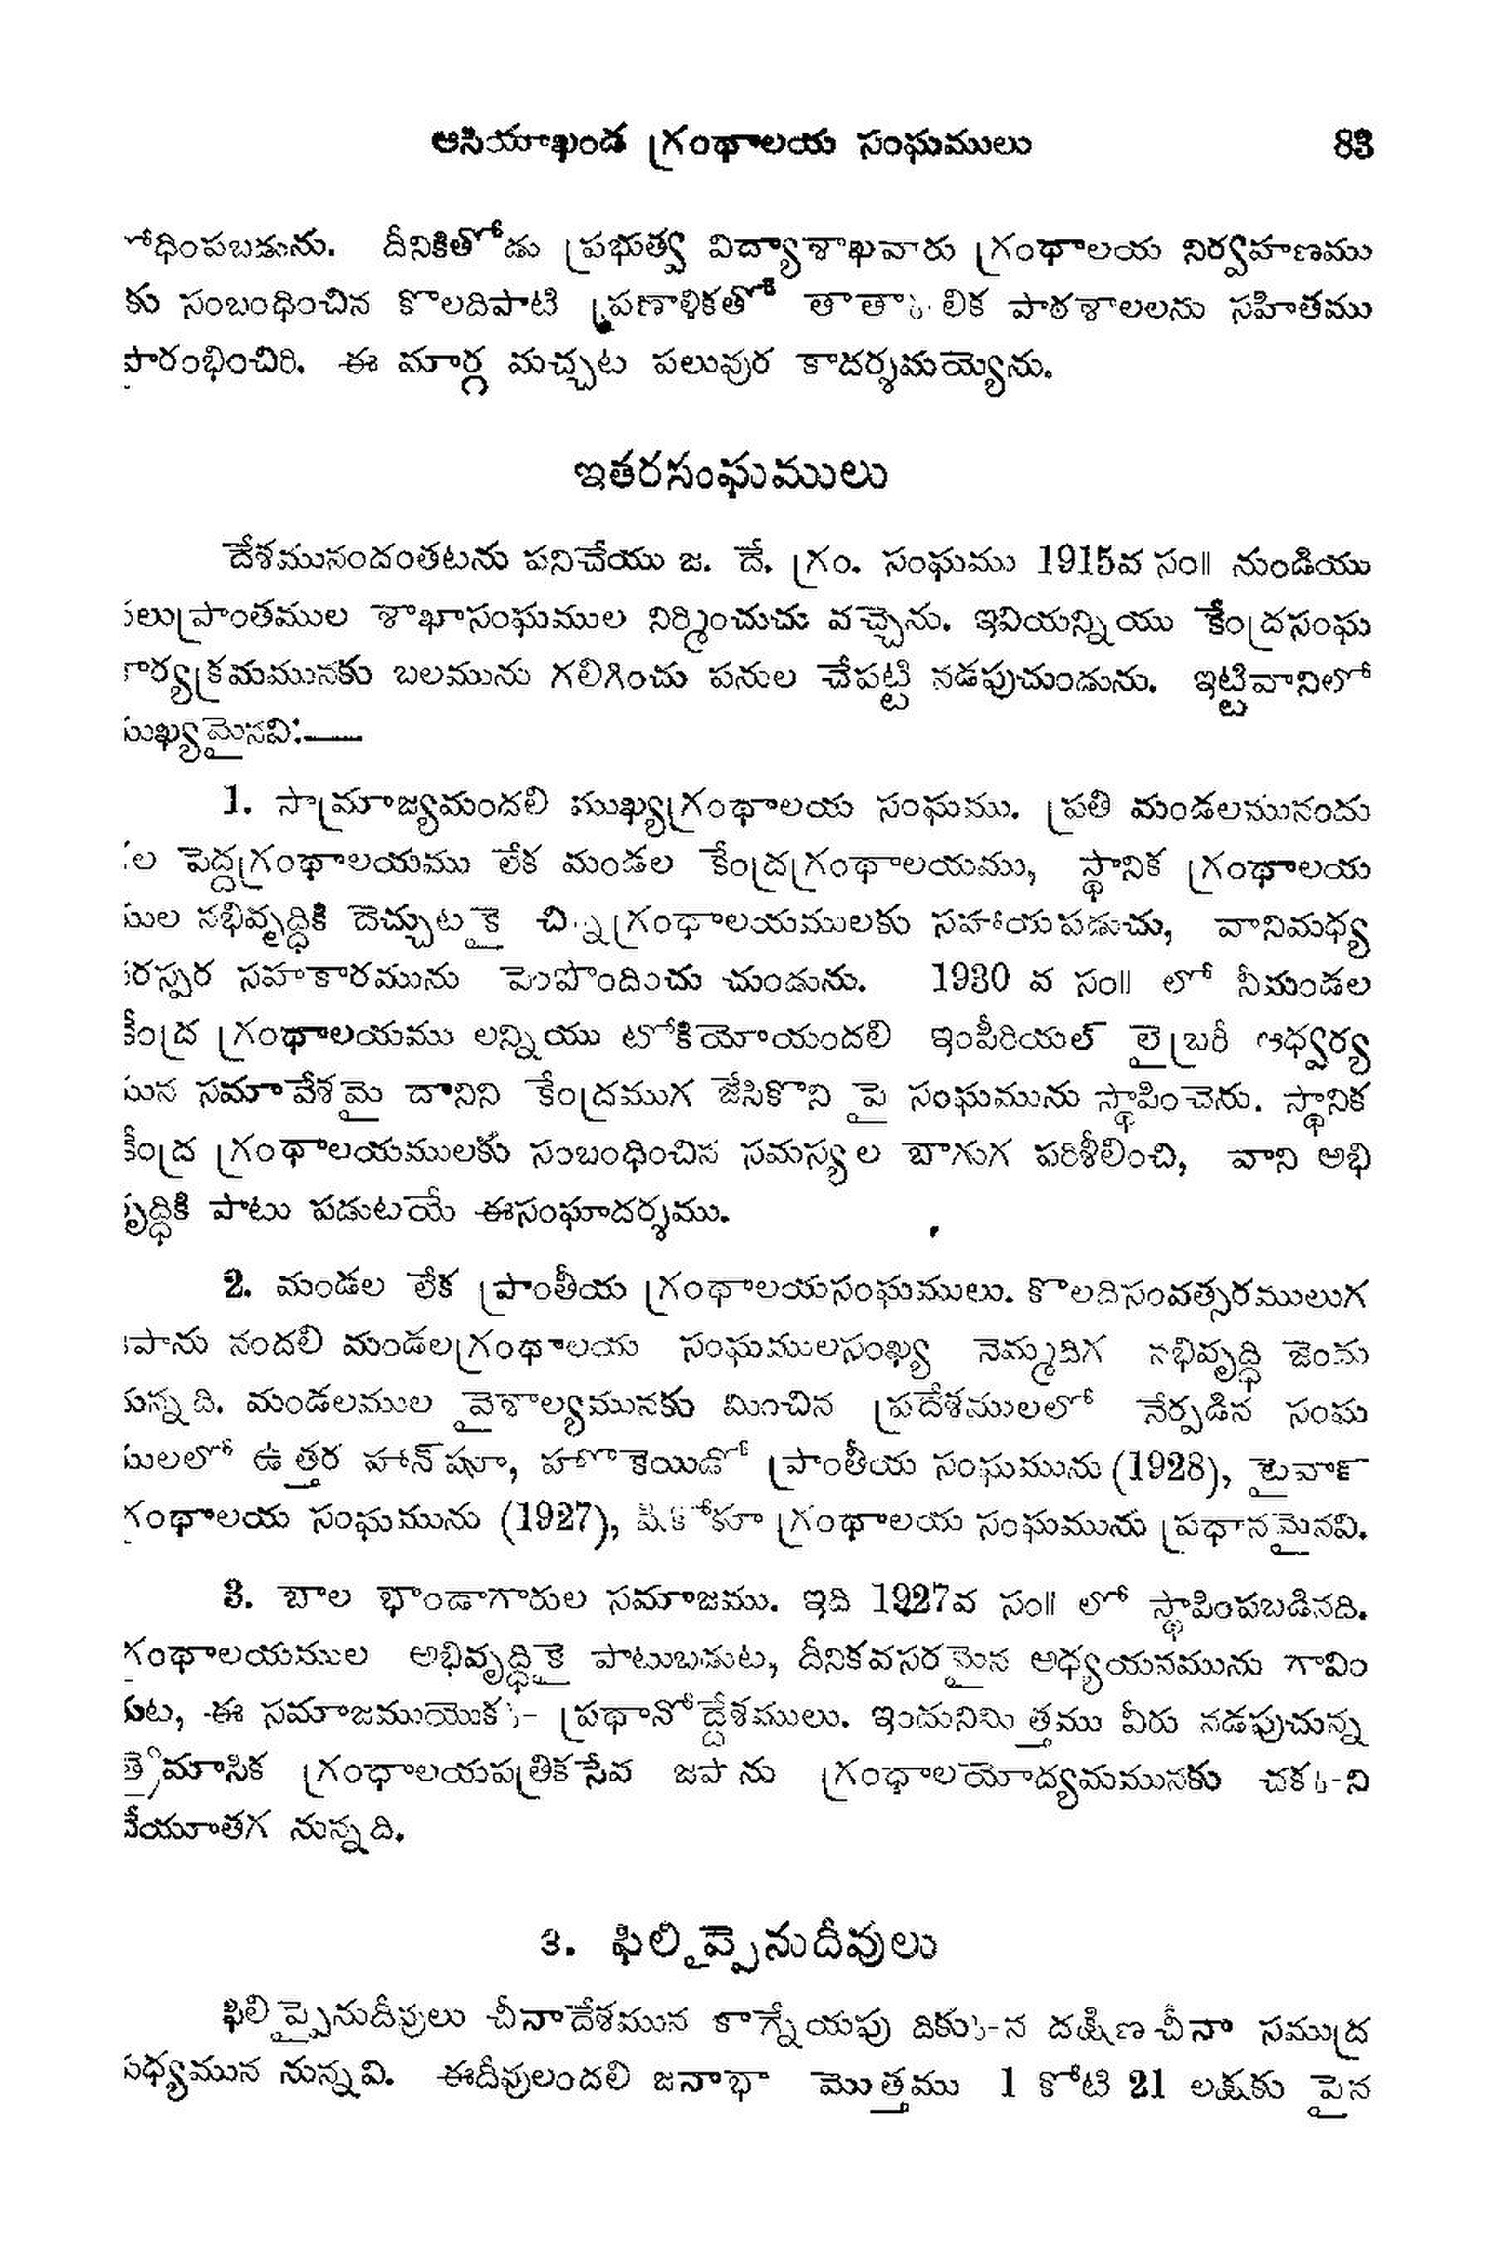బోధీ౦పబడును. దీనికితోడు ప్రభుత్వ విద్యాశాఖవారు గ్రంథాలయ నిర్వహణముకు సంబంధించిన కొలదిపాటి ప్రణాళికతో 
తాత్కాలిక పాఠశాలలను సహితము పారంభించిరి. ఈ మార్గ మచ్చట పలువురు కాదర్శమయ్యెను.

దేశమునందంతటను పనిచేయు జ.దే.గ్రం. సంఘము 1915వ సం॥ నుండియు పలుప్రాంతముల శాఖాసంఘములు నిర్మించుచు
వచ్చెను. ఇవియన్నియు కేంద్రసంఘ కార్యక్రమమునకు బలమును గలిగించు పనుల చేపట్టి నడపుచుండును. ఇట్టివానిలో
సుఖ్యమైనవి:-
 సామ్రాజ్యమందలి ముఖ్య గ్రంథాలయ సంఘము. ప్రతీ మండలమునందు గల పెద్ద గ్రంథాలయము లేక మండల కేంద్రగ్రంథాలయము, స్థానిక గ్రంథాలయముల సభివృద్ధికి దెచ్చుటకై చిన్న గ్రంథాలయములకు సహాయపడుచు, వానిమధ్య పరస్పర సహకారమును పెంపొందించు చుండును. 1930 వ సం॥ లో నీమండల కేంద్ర గ్రంథాలయము లన్నియు టోకియోయందలి ఇంపీరియల్ లైబ్రరీ ఆధ్వర్యమున సమావేశమై దానిని కేంద్రముగ జేసికొని పై సంఘమును స్థాపించెను. స్థానిక కేంద్రగ్రంథాలయములకు సంబంధించిన సమస్యల బాగుగ పరిశీలించి, వాని అభివృద్ధికి పాటుపడుటయే ఈసంఘాదర్శము.
 మండల లేక ప్రాంతీయ గ్రంథాలయసంఘములు. కొలది సంవత్సరములుగ జపాను నందలి మండలగ్రంథాలయ సంఘముల సంఖ్య నెమ్మదిగ నభివృద్ధి జెందుకున్నది. మండలముల వైశాల్యమునకు మించిన ప్రదేశములలో నేర్పడిన సంఘములలో ఉత్తర హన్స్, హొకెయిడో ప్రాంతీయ సంఘమును (1928), టైవా౯ గ్రంథాలయ సంఘమును (1927), షేకోకూ గ్రంథాలయ సంఘమును ప్రధానమైనవి.
 బాల భాండాగారుల సమాజము. ఇది 1227వ సం॥లో స్థాపింపబడినది. గ్రంథాలయముల అభివృద్ధికై పాటుబడుట, దీనికవసరమైన అధ్యయనమును గావించుట, ఈ సమాజముయొక్క ప్రధానోద్దేశములు. ఇందునిమిత్తము వీరు నడపుచున్న త్రైమాసిక గ్రంధాలయపత్రికసేవ జపాను గ్రంధాలయోద్యమమునకు చక్కని చేయూతగ నున్నది.

ఫిలిప్పైను దీవులు చీనాదేశమున కాగ్నేయపు దిక్కున దక్షిణ చీనా సముద్రమధ్యమున నున్నవి. ఈదీపులందలి జనాభా మొత్తము 1 కోటి 21 లక్షకు పైన